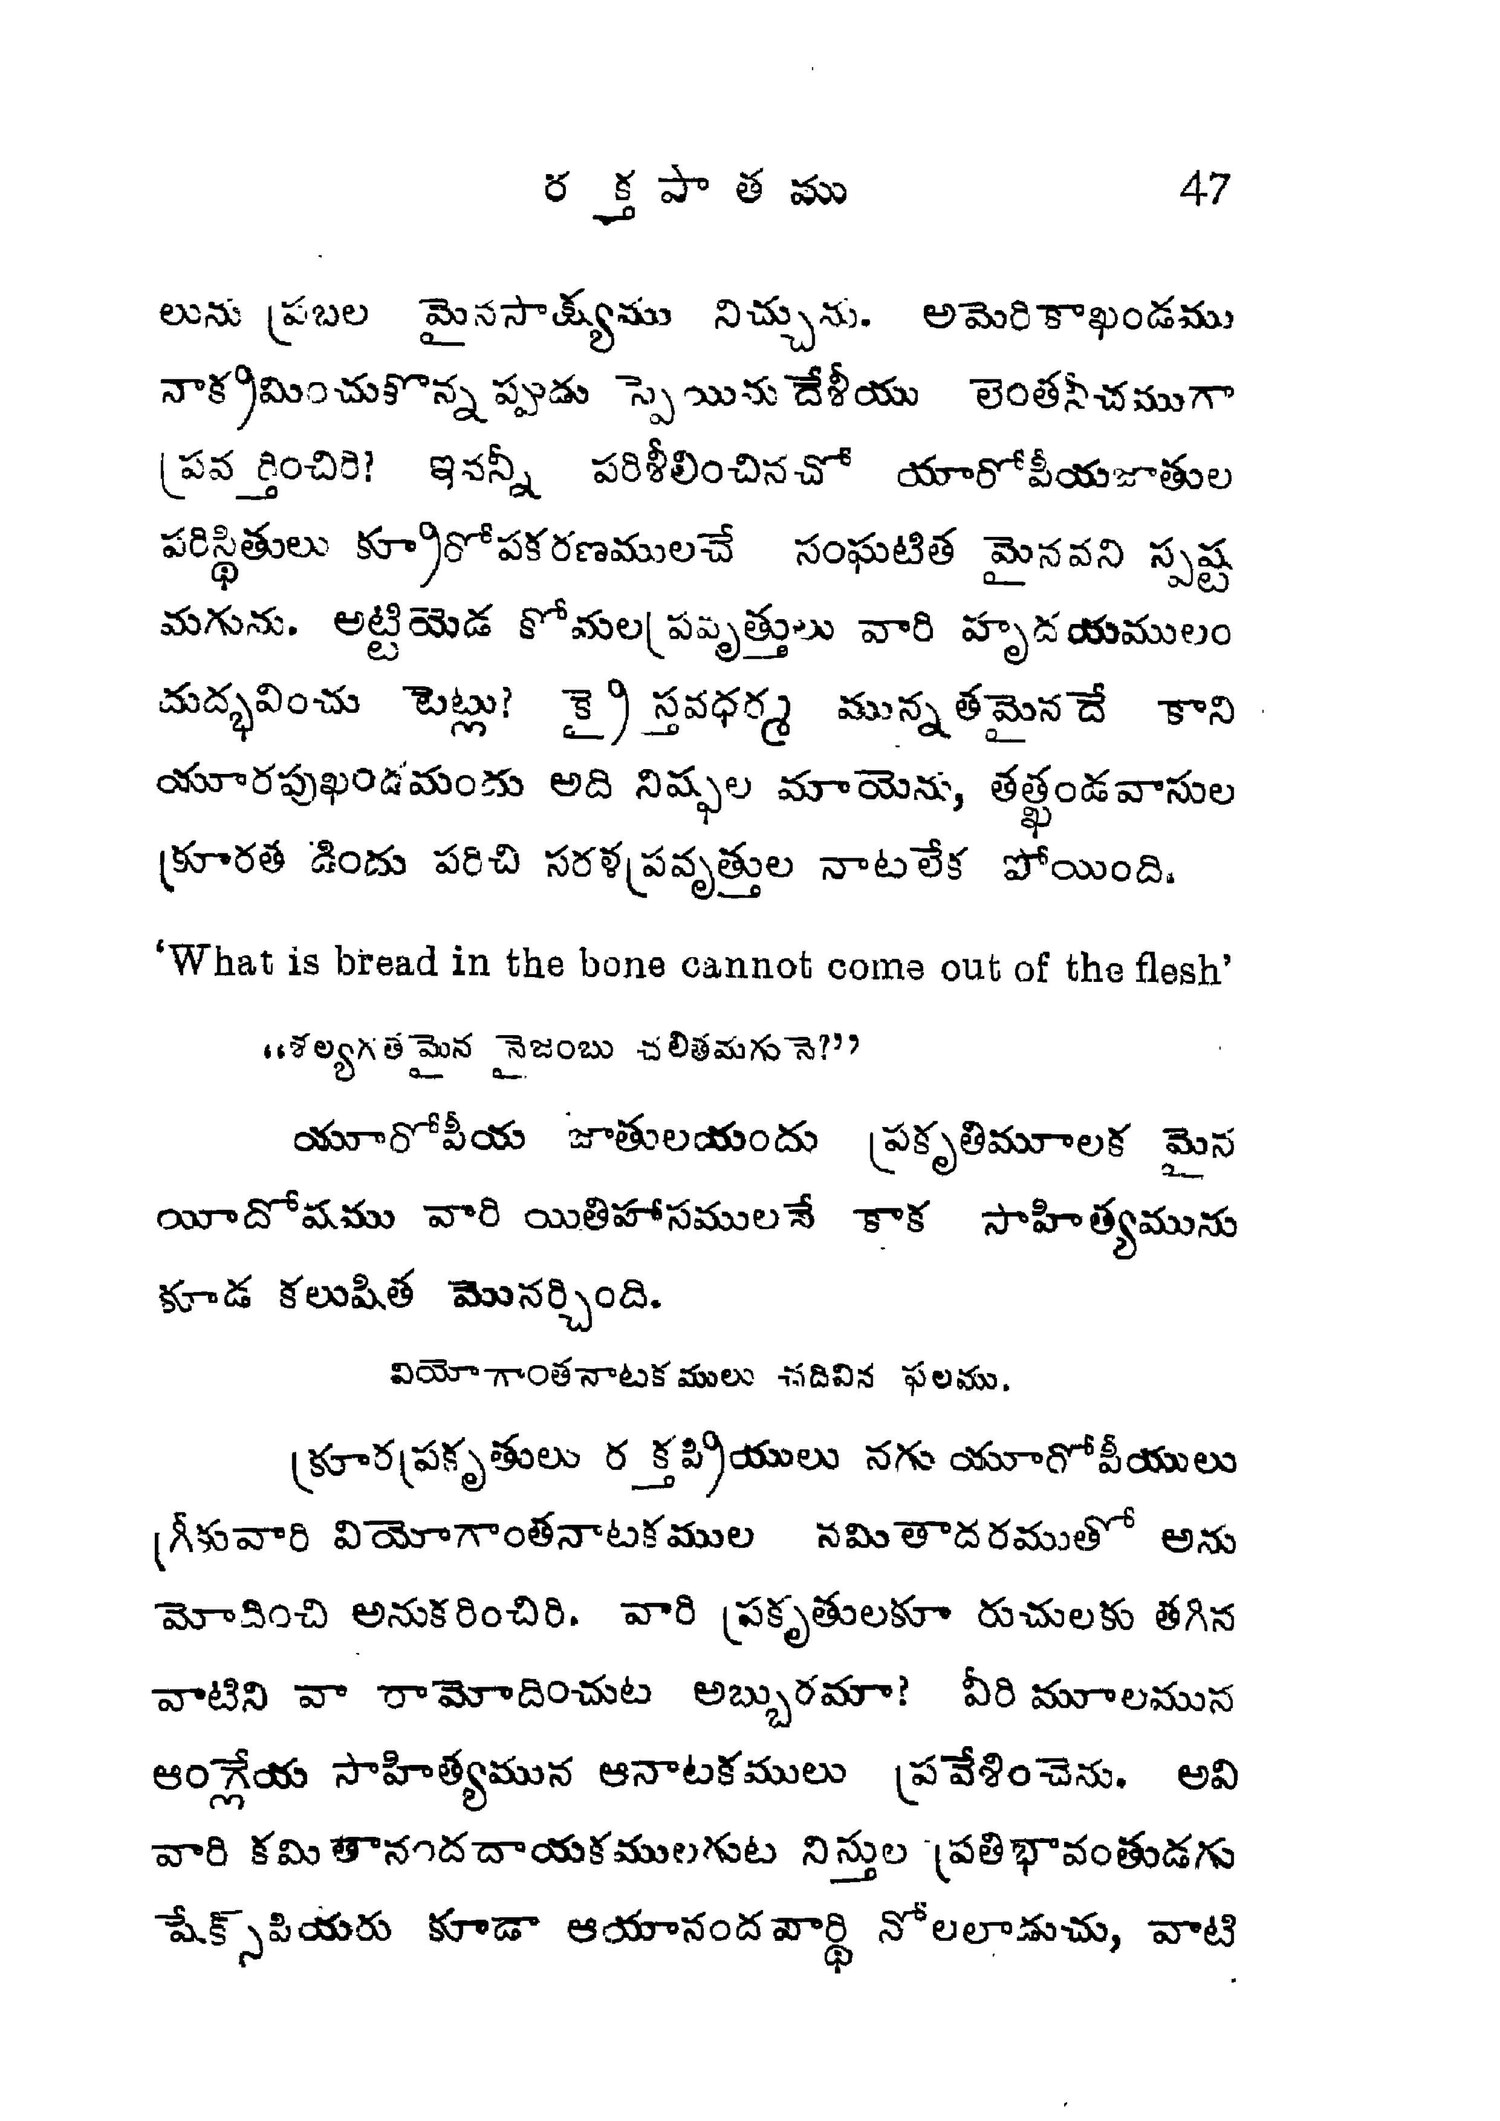లును ప్రబల మైనసాక్ష్యము నిచ్చును. అమెరికాఖండము నాక్రమించుకొన్నప్పుడు స్పెయినుదేశీయు లెంతనీచముగా ప్రవర్తించిరి? ఇవన్నీ పరిశీలించినచో యూరోపీయజాతుల పరిస్థితులు క్రూరోపకరణములచే సంఘటిత మైనవని స్పష్టమగును. అట్టియెడ కోమలప్రవృత్తులు వారి హృదయములం దుద్భవించు టెట్లు? క్రైస్తవధర్మ మున్నతమైనదే కాని యూరపుఖండమందు అది నిష్ఫల మాయెను, తత్ఖండవాసుల క్రూరత డిందు పరిచి సరళప్రవృత్తుల నాటలేక పోయింది.

'What is bread in the bone cannot come out of the flesh'

"శల్యగతమైన నైజంబు చలితమగునె?"

యూరోపీయ జాతులయందు ప్రకృతిమూలక మైన యీదోషము వారి యితిహాసములనే కాక సాహిత్యమును కూడ కలుషిత మొనర్చింది.

క్రూరప్రకృతులు రక్తప్రియులు నగు యూరోపీయులు గ్రీకువారి వియోగాంతనాటకముల నమితాదరముతో అనుమోదించి అనుకరించిరి. వారి ప్రకృతలకూ రుచులకు తగిన వాటిని వా రామోదించుట అబ్బురమా? వీరి మూలమున ఆంగ్లేయ సాహిత్యమున ఆనాటకములు ప్రవేశించెను. అవి వారి కమితానందదాయకములగుట నిస్తుల ప్రతిభావంతుడగు షేక్స్‌పియరు కూడా ఆయానందవార్థి నోలలాడుచు, వాటి